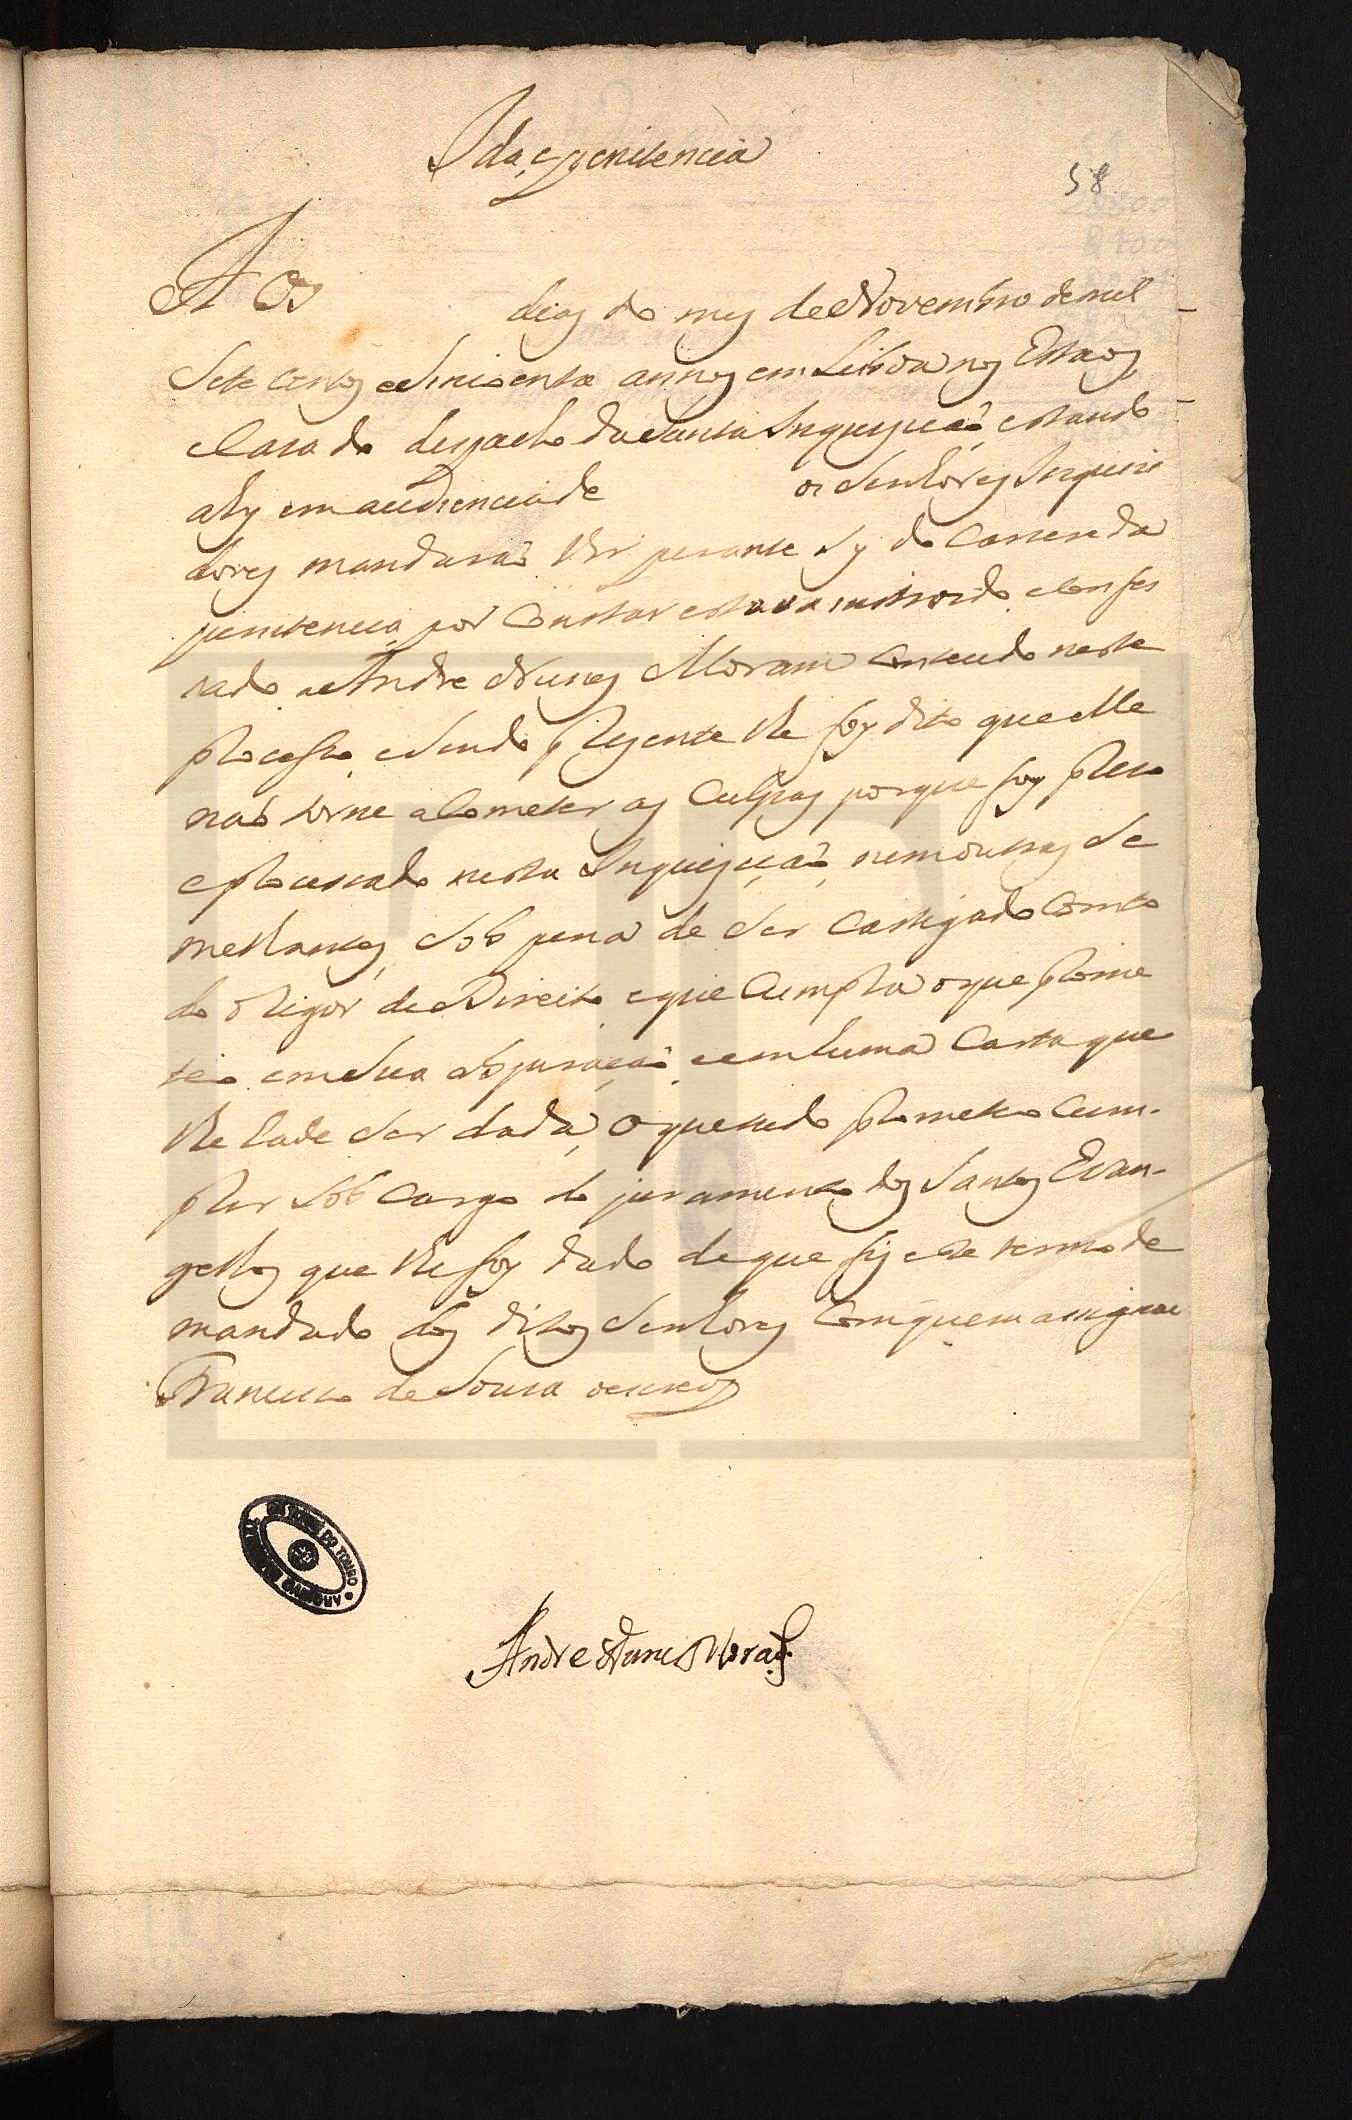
Ida, e penitencia
Aos
dias do mes de Novembro de mil
Setecentos e Sincoenta annos em Lisboa nos Estaos,
e Caza do despacho da Santa Inquisicaõ, estando
os Senhores Inquizi
ahy em audiencia de
dores mandaraõ Vir perante sy do camera[?] da
penitencia, por Constar estava instroido e confes
sado a Andre Nunes Moram conteudo neste
processo, e Sendo presente lhe foy dito que elle
naõ torne a Cometer as Culpas porque foy prezo
e processado nesta Inquisiçaõ, nem outras se
melhantes, sob pena de ser castigado Com to
do o Rigor de Direito, e que Cumpra o que prome
teo em Sua abjuraçaõ, e em huma Carta que
lhe ha de ser dada, o que tudo prometeo cum
prir sob cargo do juramento dos Santos Evan
gelhos que lhe foy dado de que fis este termo de
mandado dos ditos Senhores Com quem assignou
Francisco de Souza o escrevj
Andre Nunes Moraõ.
